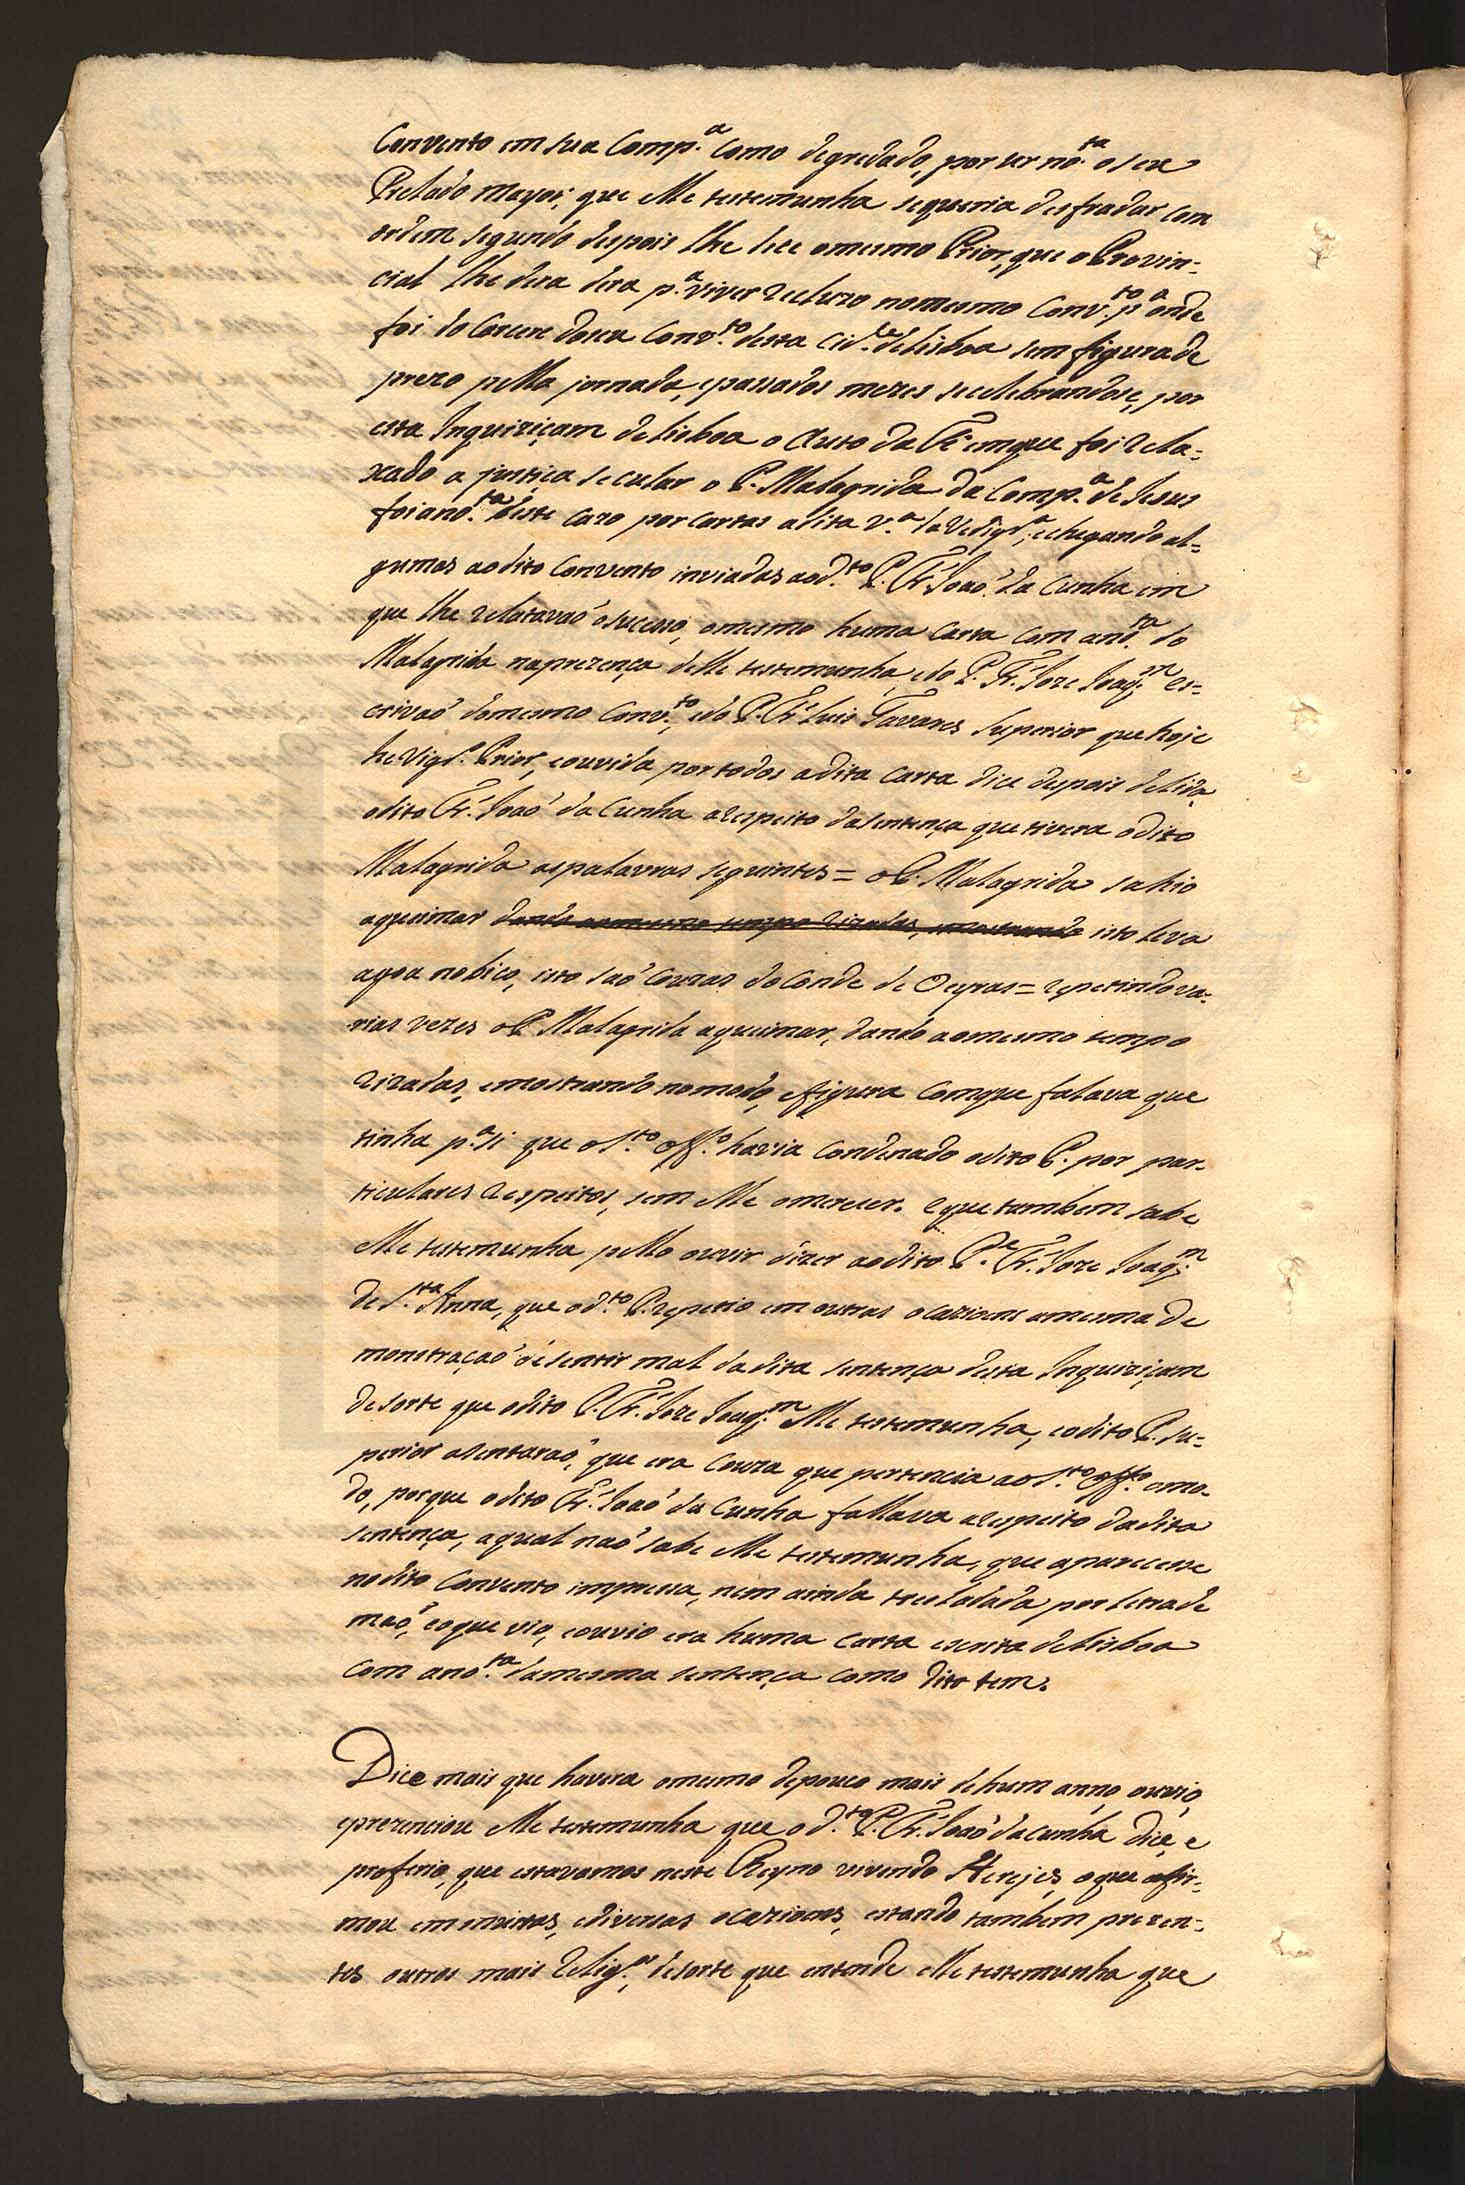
Convento em sua Comp.a como degredado, por ser no.ta o seu
Prelado mayor; que elle testemunha se queria desfradar com
ordem segundo despois lhe hee o mesmo Prior, que o Provin
cial lhe dera dera p.a viver recluzo no mesmo conv.to pa onde
foi do Carcere do seu Conv.to desta cid.e de Lisboa sem figura de
prezo pella jornada, e passados mezes se celebrandose, por
esta Inquiziçam de Lisboa o auto da Fé em que foi rela
xado a justiça secular o P. Malagrida da Comp.a de Iesus
foi a no.ta deste cazo por cartas a dita v.a da Vidigra; e chegando al
gumas ao dito Convento inviadas ao d.to P. Fe. Ioaõ da Cunha em
que lhe relatavaõ o sucesso, o mesmo huma carta com a no.ta do
Malagrida na prezença delle testemunha, e do P. Fr. Ioze Ioaq.m es
crivaõ do mesmo conv.to, e do P. Fr. Luis Tavares superior que hoje
he Vigr.o Prior, e ouvida por todos a dita carta dice despois de lida,
o dito Fr. Ioaõ da Cunha a respeito da sentença que tivera o dito
Malagrida as palavras seguintes = o P. Malagrida sahio
a queimar
isto leva
agoa no bico, isto saõ couzas do conde de Oeyras = repetindo va
rias vezes o P Malagrida a queimar, dando ao mesmo tempo
rizadas, e mostrando no modo, e figura com que falava que
tinha p.a si que o s.to off.o havia condenado o dito P. por par
ticulares respeitos, sem elle o merecer. e que tambem sabe
elle testemunha pello ouvir dizer ao dito P.e Fr. Ioze Ioaq.m
de s.ta Anna, que o d.to P. repetio em outras ocazioens a mesma de
monstraçaõ de sentir mal da dita sentença desta Inquiziçam
de sorte que o dito P. Fr. Ioze Ioaq.m elle testemunha, e o dito P. su
perior asentaraõ, que era couza que pertencia ao s.to Off.o o mo
do, porque o dito Fr. Ioaõ da Cunha fallava a respeito da dita
sentença, a qual naõ sabe elle testemunha, que aparecesse
no dito convento impressa, nem ainda tresladada por letra de
maõ, e o que vio, e ouvio era huma carta escrita de Lisboa
com a no.ta da mesma sentença como dito tem.
Dice mais que havera o mesmo de pouco mais de hum anno ouvio,
e prezenciou elle testemunha que o d.to P. Fr. Ioaõ da cunha dice, e
proferio, que estavamos neste Reyno vivendo Herejes, o que afir
mou em muitas, e diversas ocazioens, estando tambem prezen
tes outros mais Relig.os, de sorte que entende elle testemunha que
